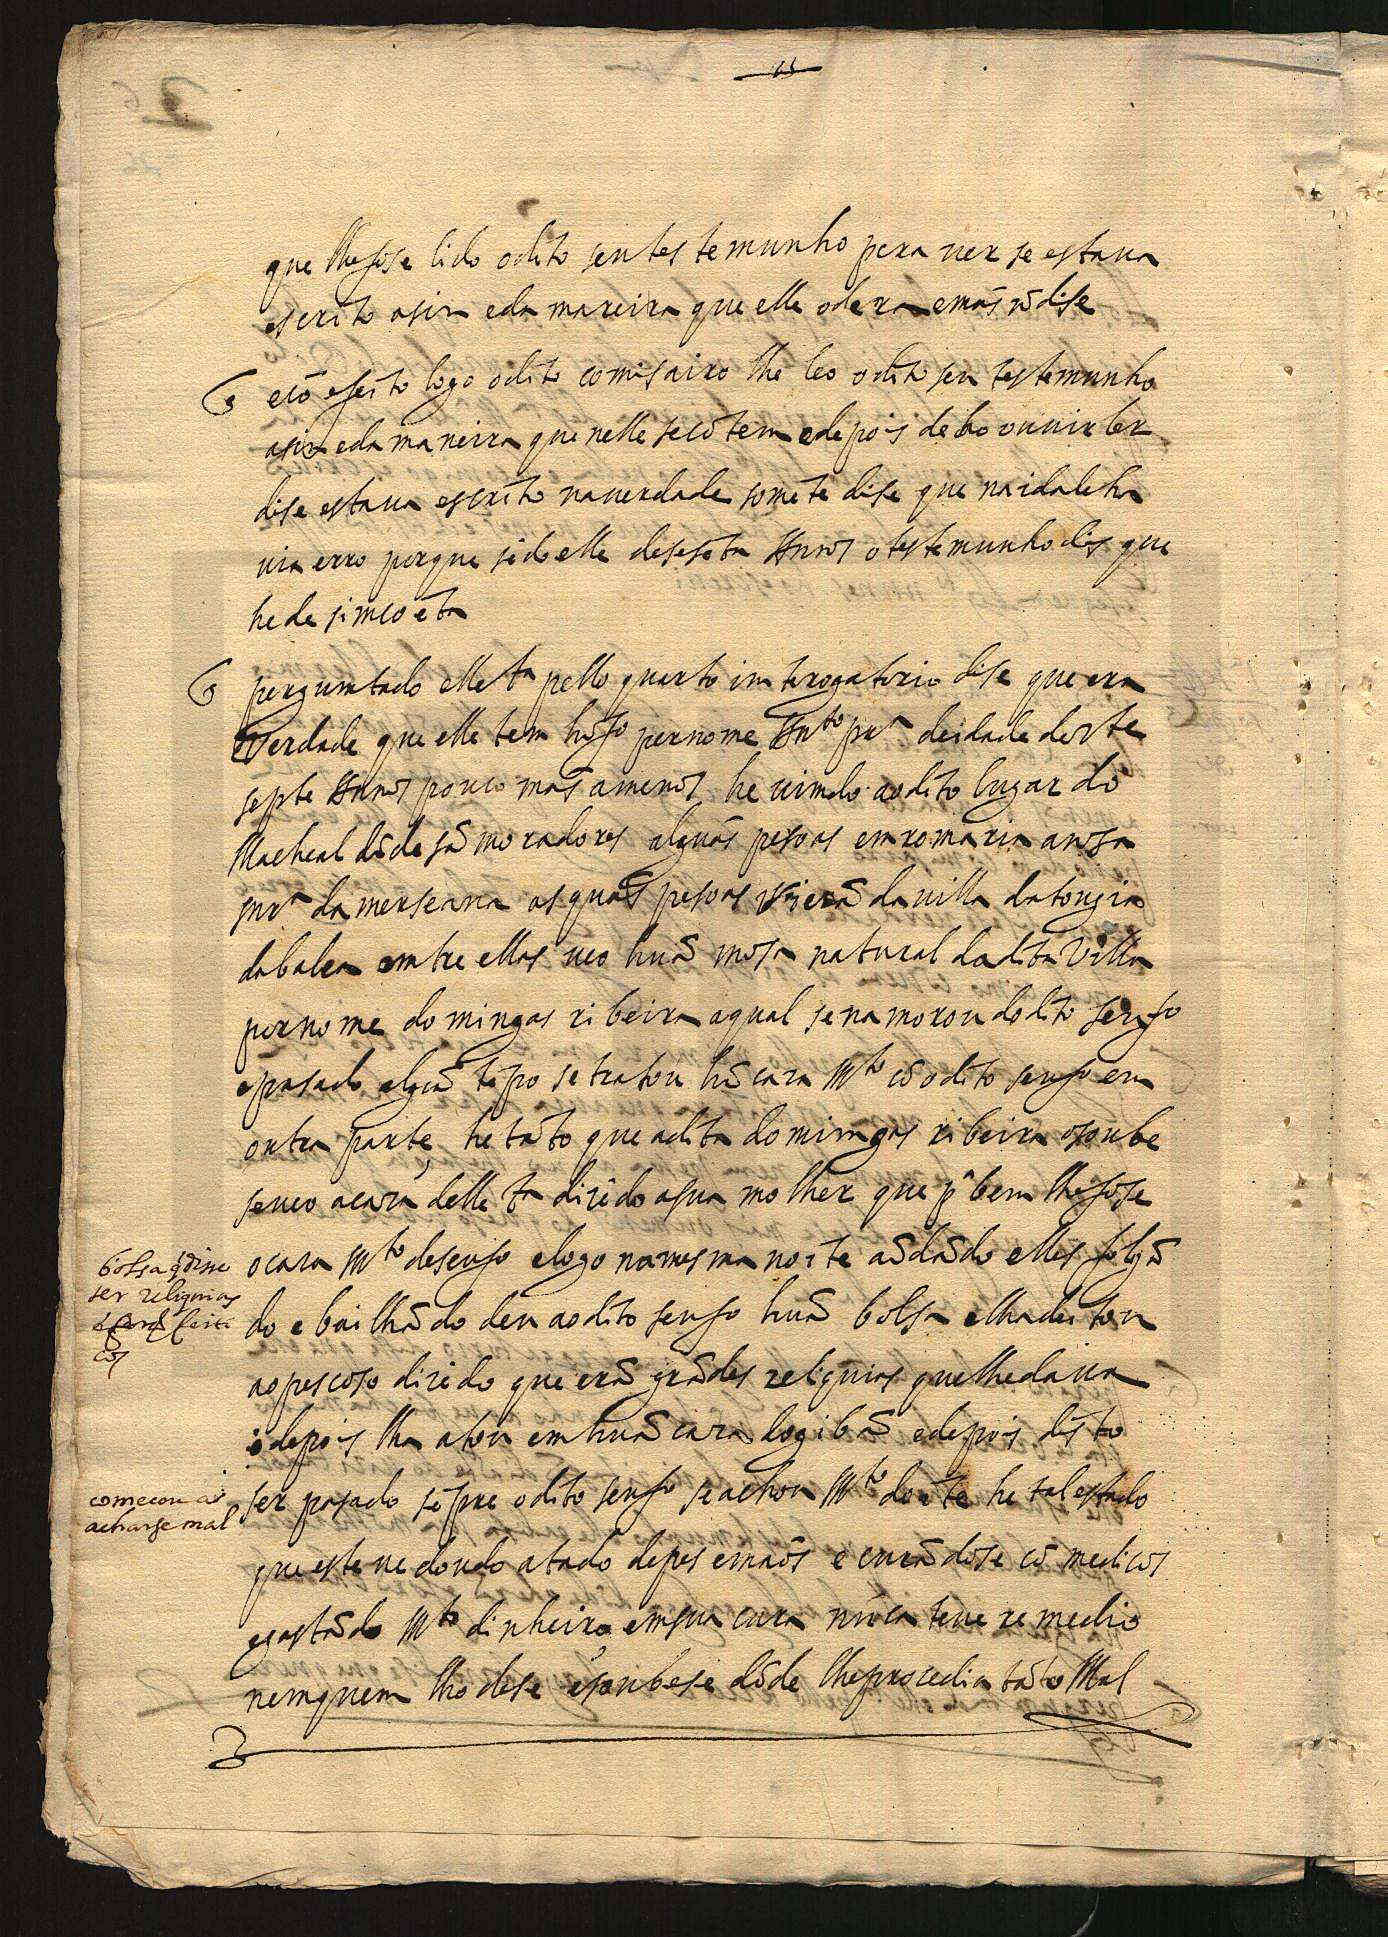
bolsa q̄ disse
ter reliquias
e foraõ feiti
ços
começou a
acharse mal
que lhe fose lido o dito seu testemunho pera uer se estaua
escrito asim e da mareira que elle o dera e mas nō dise
item e cō efeito logo o dito comisairo lhe leo o dito seu testemunho
asim e da maneira que nelle se cōtem e depois de ho ouuir ler
dise estaua escrito na uerdade somēte dise que na idade ha
uia erro porque sēdo elle de sesēta Annos o testemunho dis que
he de simcoēta
item perguntado elle ta pello quarto imterogatorio dise que era
verdade que elle tem hū fo per nome Anto pra de idade de v.te
septe Annos pouco mais a menos he uimdo ao dito lugar do
Macheal dōde sā moradores alguās pesoas em romaria a nosa
snra da merseana as quais pesoas vierā da uilla datougia
da balea emtre ellas ueo huā mosa natural da dita Villa
por nome domingas ribeira a qual se namorou do dito seu fo
e pasado algū tēpo se tratou hū cazaMto cō o dito seu fo em
outra parte, he tāto que a dita domimgas ribeira o soube
se ueo a caza delle ta dizēdo a sua molher que pa bem lhe fose
o cazaMto de seu fo e logo na mesma noite ādādo elles folgā
do e bailhādo deu ao dito seu fo huā bolsa e lha deitou
ao pescoso dizēdo que eraõ grādes reliquias que lhe daua
e depois lha atou em huā caza do gibā e depois disto
ser pasado sēpre o dito seu fo se achou Mto doēte he tal estado
que esteue doudo atado de pes e maõs e curādose cō medicos
gastādo Mto dinheiro em sua cura nūca teue remedio
nem quem lho dese e soubese dōde lhe procedia tāto Mal
